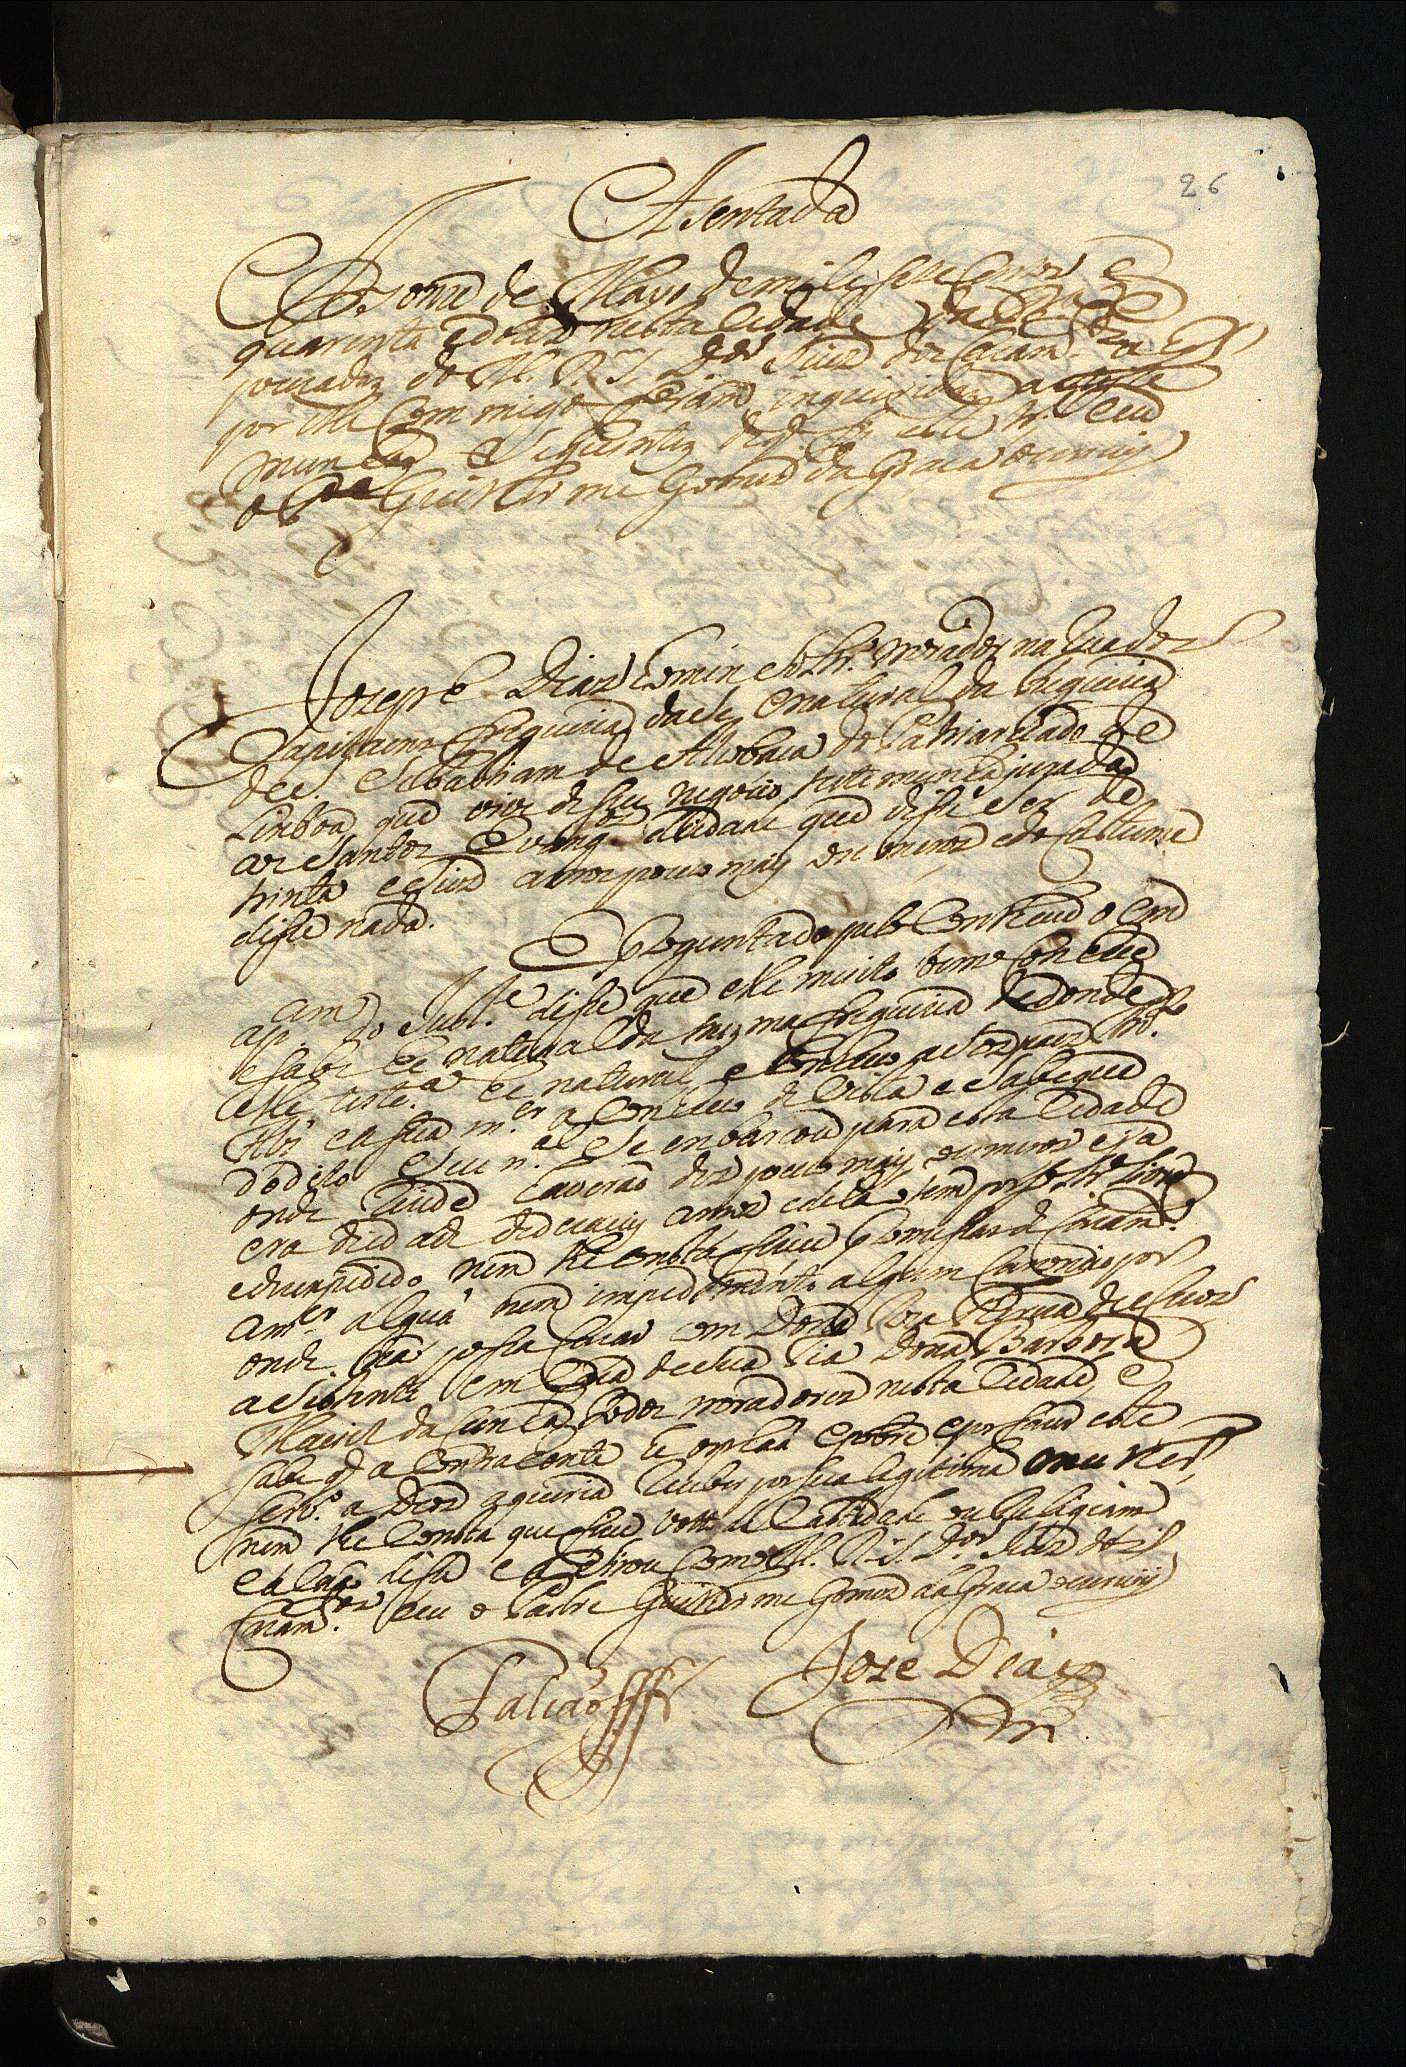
Asentada
Aos onze de Mayo de mil e seteCentoz e
quarenta e douz nesta Cidade da Ba
pouzadaz do M. R. rS. D.or Iuiz doz Cazamtos ahy
por elle Commigo foram inquiridas as teste
munhas Seguintez de q̄ fis este tr;o e eu
o P.e Guilherme Gomes da Graca o escrevy
Jozeph Diaz homen soltr.o morador na Rua dos
Capitaens freguezia da Se e natural da Freguezia
de S. Sebastiam de Alcobaça do Patriarchado de
Lisboa, que vive de seu negócio testemunha jurada
aoz Santoz Evangos de idade que disse ser de
trinta e seiz annos pouco mais ou menoz e do Costume
disse nada.
E proguntado pelo Contheudo em
a p.am do Iust.e disse que elle muito bem o Conhece
e sabe he natural da mesma freguezia de donde
elle, teste.a he natural, e Concluio peloz paez An.to
Alz̄ e a sua m.er a Conheceo de Vista e sabe que
do dito seu n.al se enbarcou para esta Cidade
onde Rezide heveraõ dez pouco mais, ou menos e ja
era de idade de dezaceis annoz e dela o tem por sltr.o Livre
e dezempedido nem lhe consta fizeçe promessas de Cazam.to
a m.er alguā nem impedimento algum Cannonico por
onde naõ possa Cazar com Dona Roza Thereza de Iesuz
asistente em a caza de sua Tia Dona Barbosa
Maciel da Cunha todos moradorez nesta Cidade, e
sabe q̄ a Contrahente he orphaã e pobre e por fazer este
serv.o a Deoz a queria Receber por sua legitima mulher,
nem lhe Consta que fizece votto de Castidade ou Religiam
e al naõ disse e asinou Com o M. R rS. D.or Iuiz doz
Cazam.toz e eu o Padre Guilherme Gomez da Graça o escrevy
Joze Dias
Falcaõ
